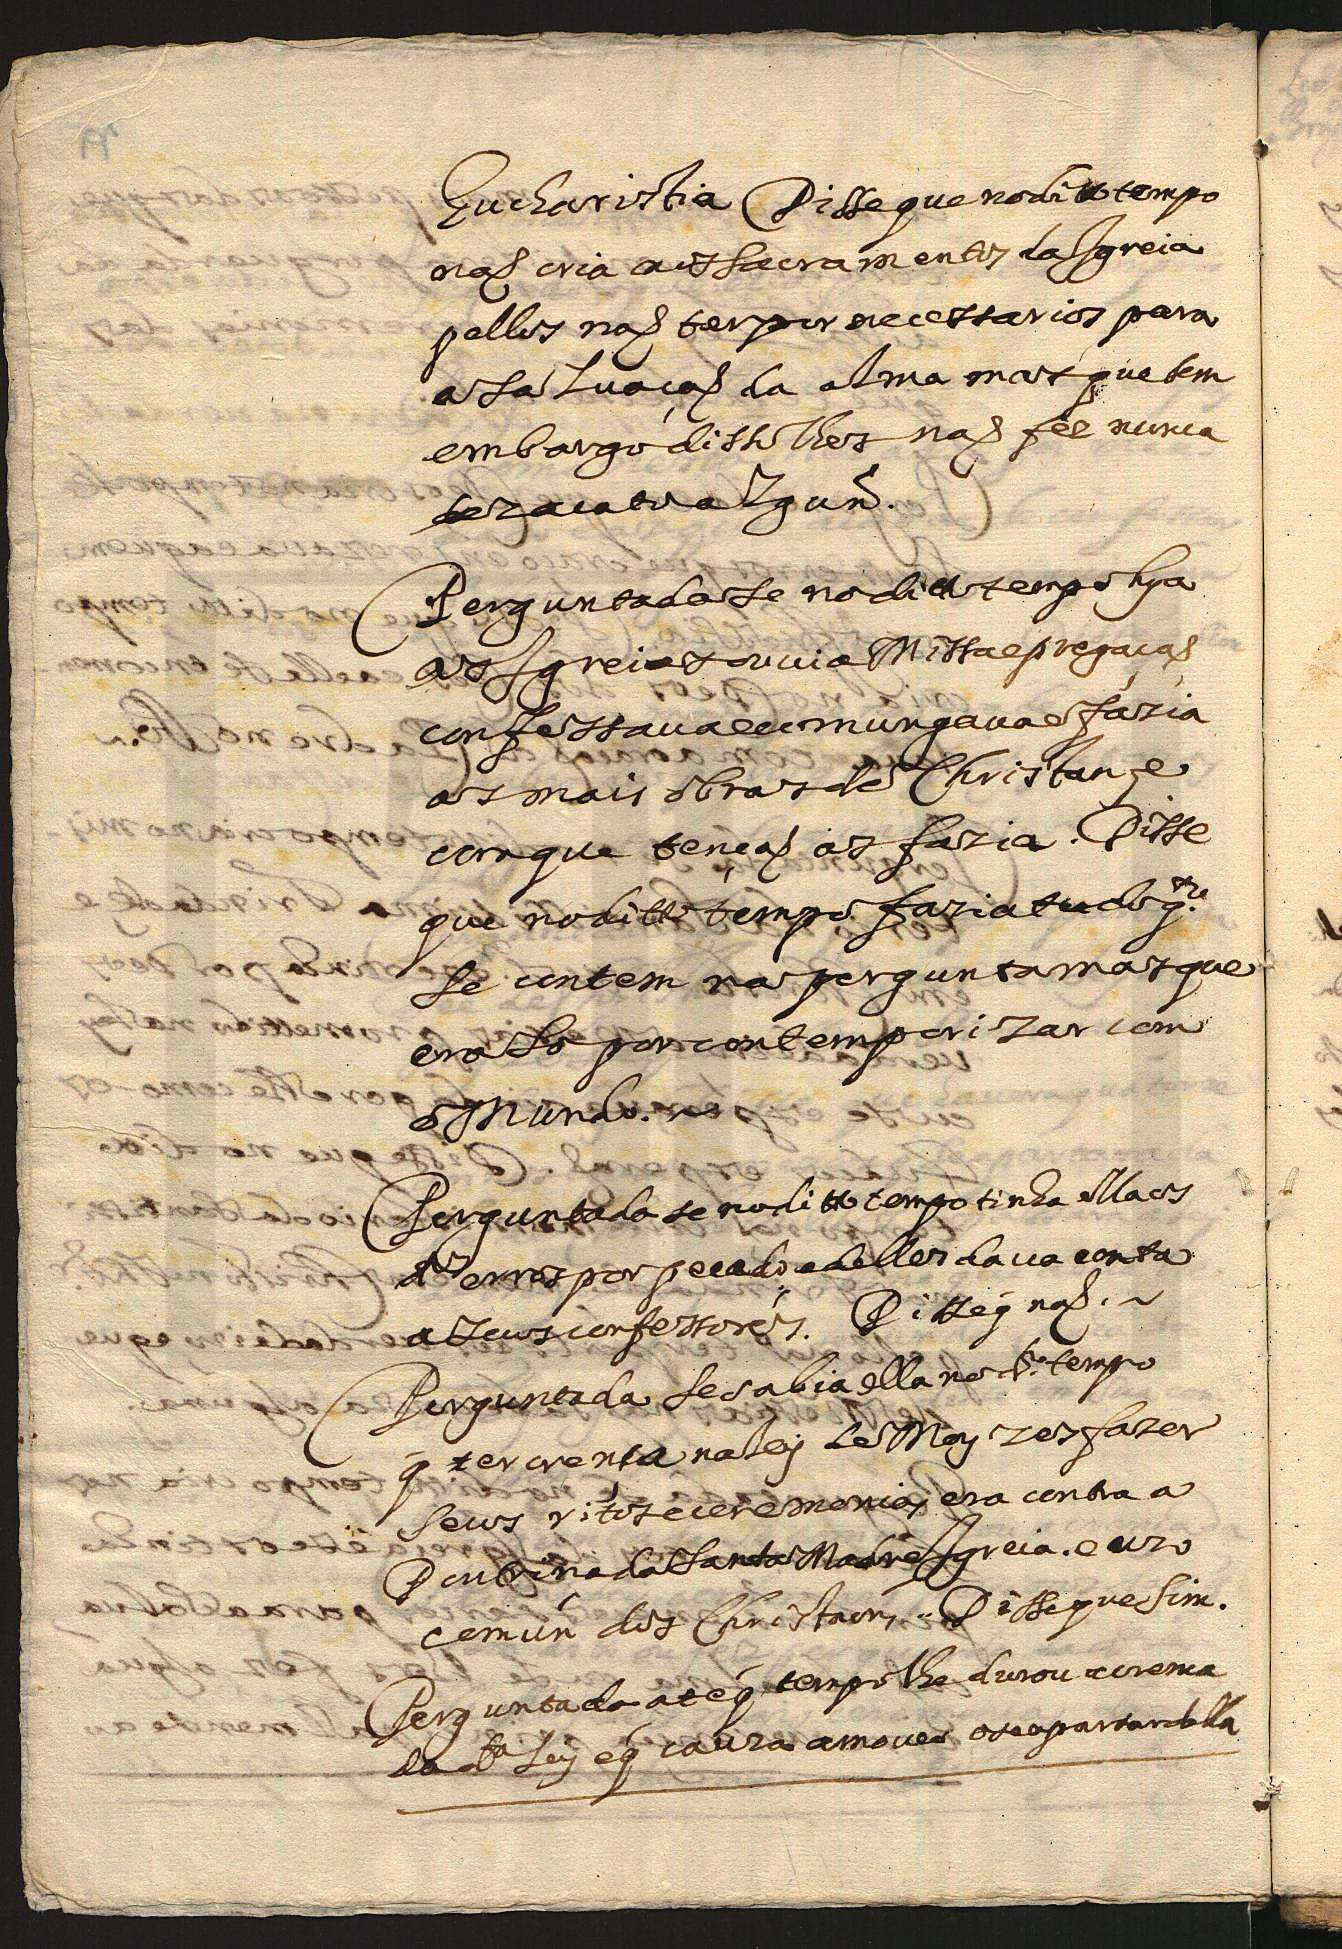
Eucharistia Disse que no ditto tempo
naõ cria nos sacramentos da Jgreia
pellos naõ ter por necessarios para
a saluaçaõ da alma mas que sem
embargo disso lhes naõ fez nunca
dezacato algun.
Perguntada se no ditto tempo hya
as Jgreias ouuia Missa e pregaçaõ
confessaua e comungaua e fazia
as mais obras de Christan, e
com que tençaõ as fazia. Disse
que no ditto tempo fazia tudo q.to
se contem na pergunta mas que
era so por contemporizar com
o Mundo.
Perguntada se no ditto tempo tinha ella os
d̄os erros por pecado, e delles daua conta
a seus confessores. Disse q̄ naõ.
Perguntada se sabia ella no d̄.o tempo
ter crença na Ley de Moyzes fazer
seus ritos e ceremonias era contra a
Doutrina da Santa Madre Jgreia, e uzo
comum dos Christaons. Disse que Sim.
Perguntada ate q̄ tempo lhe durou a crença
da d̄a Ley e q̄ cauza a moueo a se apartar della
